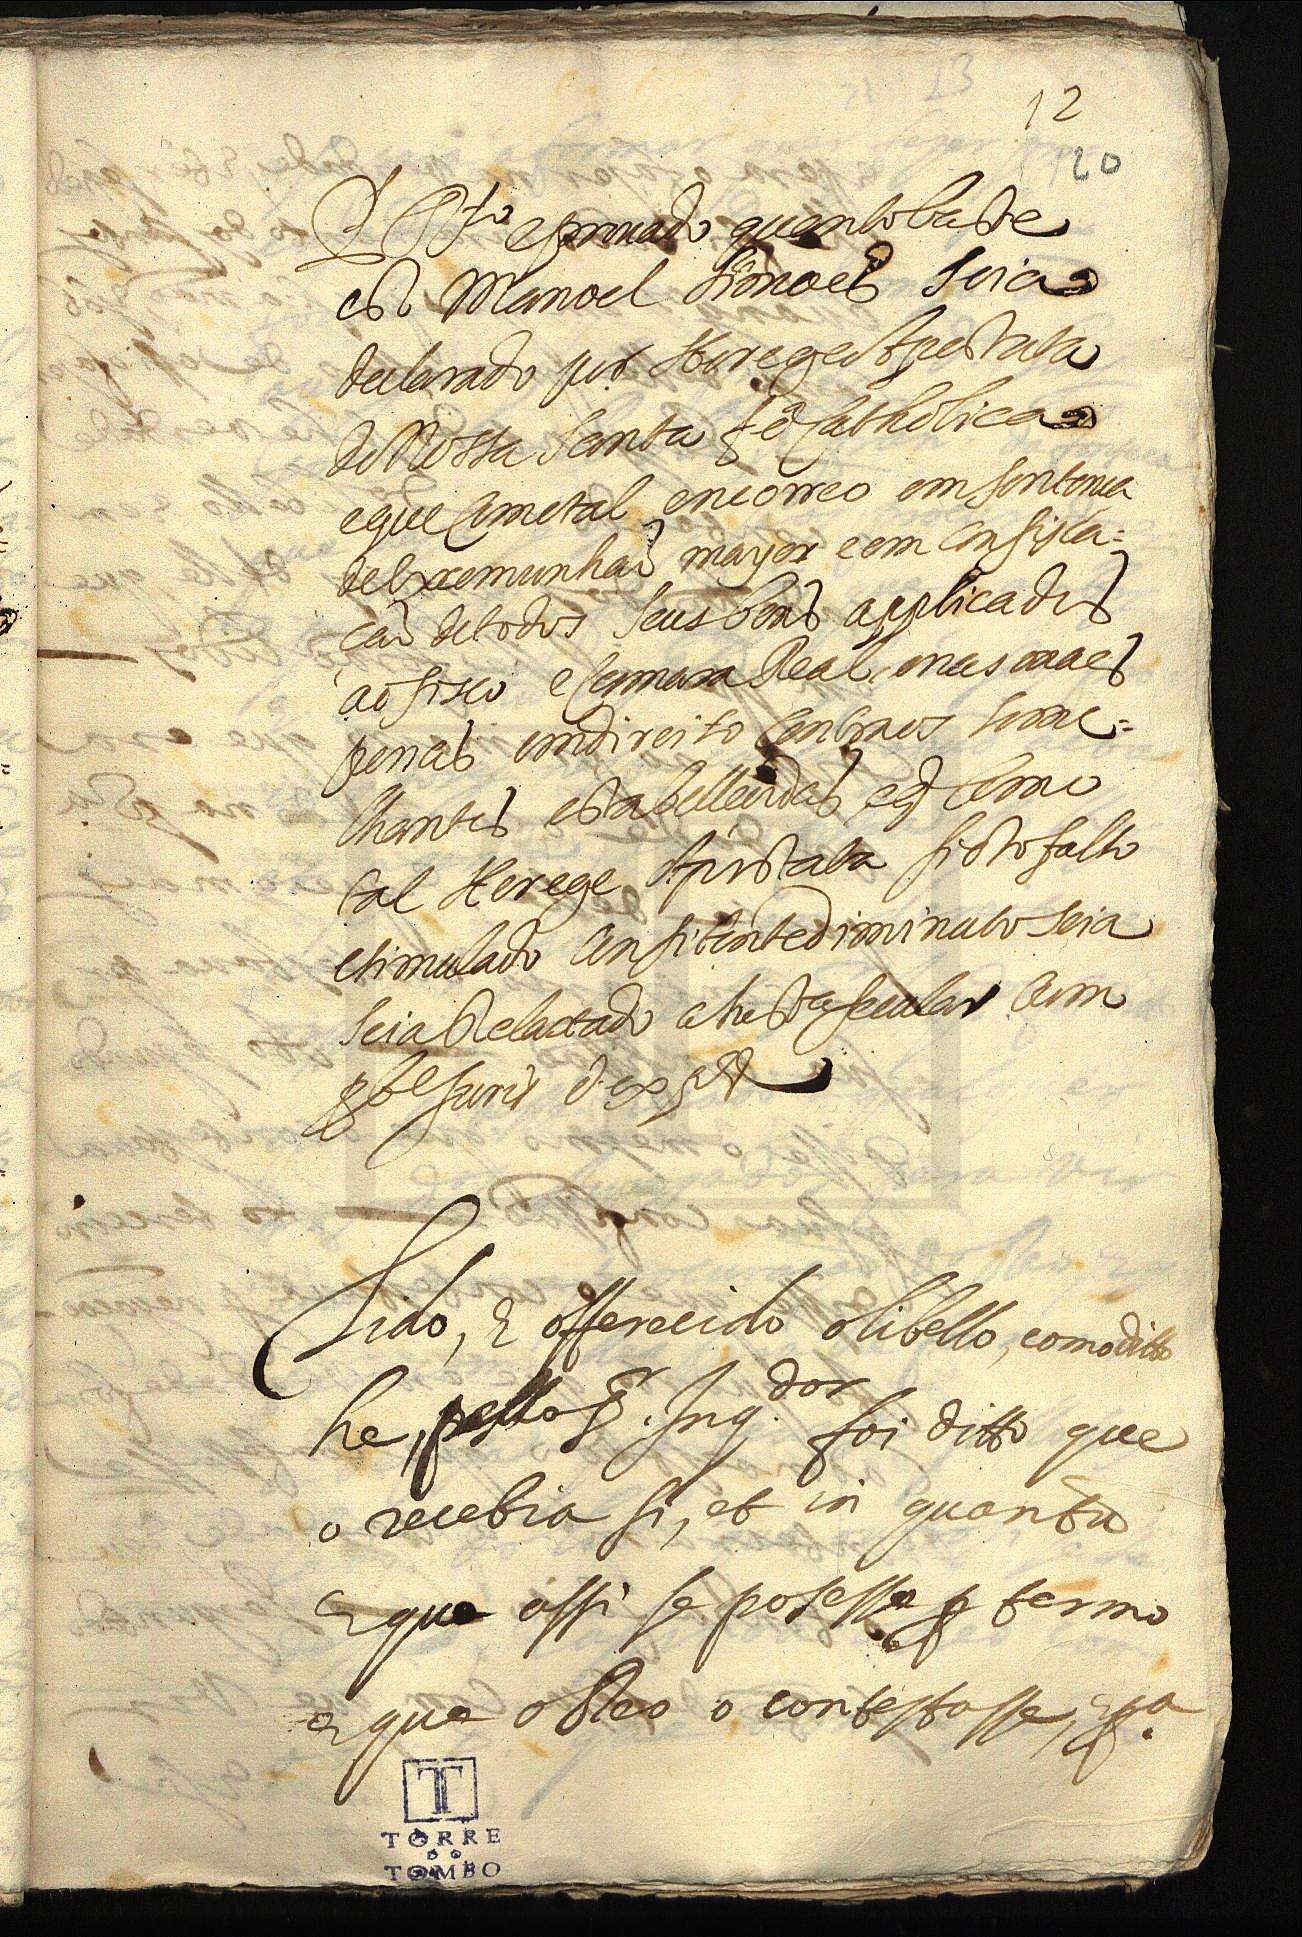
P Rto e prouado quanto baste
o R manoel Simoes seia
declarado por Herege Apostata
de nossa santa fé Catholica
e que Como tal encorreo em sentença
de excomunhaõ mayor e em confisca
çaõ de todos seus bens applicados
ao fisco e Camara Real, e nas maes
penas em direito contra os seme
lhantes estabellecidas, e q̄ Como
tal Herege Apostata ficto falso
e simulado confitente diminuto seia
seia Relaxado a Iusta secular com
ꝓbo Juris et exps̄
Lido, E offerecido o libello, como ditto
he, pello sr. Jnq.dor foi ditto que
o recebia si, et in quanto
E que assi se posesse ꝑ termo
E que o Reo o contestasse, E ꝑ.a
